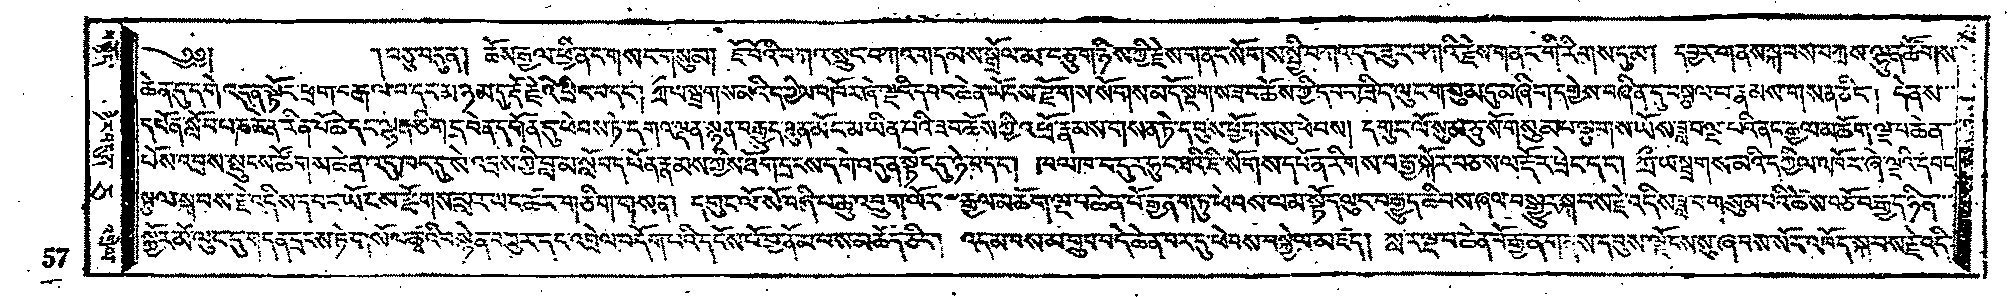༄༅། །བཅུ་བདུན། ཆོས་རྒྱལ་ཕྱི་ནང་གསང་གསུམ། ཇོ་བོའི་བཀའ་སྲུང་བཀའ་གདམས་སྒྲོལ་མ་བཅུ་གཉིས་ཀྱི་རྗེས་གནང་སོགས་སྤྱི་བཀའ་དང་ཟུར་བཀའི་རྗེས་གནང་གི་རིགས་དུ་མ། དབྱར་གནས་སྐབས་བཀྲས་ལྷུན་ཚོགས་
ཆེན་དུ་དགེ་འདུན་སྟོང་ཕྲག་བརྒལ་བ་དང་མཉམ་དུ་རྡོ་རྗེའི་ཕྲེང་བ་དང་། ཀྲྀ་ཡ་སྦྲགས་མའི་དཀྱིལ་འཁོར་ཞེ་ལྔའི་དབང་ཆེན་ཡོངས་རྫོགས་སོགས་མདོ་སྔགས་ཟབ་ཆོས་ཀྱི་དབང་ཁྲིད་ལུང་གསུམ་དུ་མ་ཞིག་དགྱེས་བཞིན་དུ་བསྩལ་བ་རྣམས་གསན་ཅིང་། དེ་ནས་
དཔོན་སློབ་པཎ་ཆེན་རིན་པོ་ཆེ་དང་ལྷན་ཅིག་དབེན་དགོན་དུ་ཕེབས་ཏེ་དགའ་ལྡན་སྙན་བརྒྱུད་ཐུན་མོང་མ་ཡིན་པའི་ཟབ་ཆོས་ཀྱི་འཕྲོ་རྣམས་གསན་ཏེ་དབུས་ཕྱོགས་སུ་ཕེབས། །དགུང་ལོ་སུམ་ཅུ་སོ་གསུམ་པ་ལྕགས་ཡོངས་ཟླ་བ་ལྔ་པའི་ནང་རྒྱལ་མཆོག་ལྔ་པ་ཆེན་
པོས་འབྲས་སྤུངས་ཚོགས་ཆེན་འདུ་ཁང་དུ་སེ་འབྲས་ཀྱི་བླ་མ་སློབ་དཔོན་རྣམས་ཀྱིས་ཐོག་དྲངས་དགེ་འདུན་སྟོང་དུ་ཉེ་བ་དང་། ཁལ་ཁ་བ་དུར་ཧུང་ཐའི་ཇི་སོགས་དཔོན་རིགས་བརྒྱ་སྐོར་བཅས་ལ་རྡོར་ཕྲེང་དང་། ཀྲྀ་ཡ་སྦྲགས་མའི་དཀྱིལ་འཁོར་ཞེ་ལྔའི་དབང་
སྩལ་སྐབས་རྗེ་འདིས་དབང་ཡོངས་རྫོགས་སླར་ཡང་ཚར་གཅིག་གསན། དགུང་ལོ་སོ་བཞི་པ་ཆུ་འབྲུག་ལོར་༧རྒྱལ་མཆོག་ལྔ་པ་ཆེན་པོ་རྒྱ་ནག་ཏུ་ཕེབས་ལམ་སྟོད་ལུང་བརྒྱུད་ཆིབས་ཞལ་བསྒྱུར་སྐབས་རྗེ་འདིས་ཟླ་བ་གསུམ་པའི་ཚེས་བཅོ་བརྒྱད་ཉིན་
སྐྱོར་མོ་ལུང་དུ་གདན་དྲངས་ཏེ་གསོལ་ཚྭའི་བསྙེན་བཀུར་དང་འབྲེལ་བདོག་པའི་དངོས་པོ་གྱ་ནོམ་པས་མཆོད་ཅིང་། འདམ་བསམ་གྲུབ་བདེ་ཆེན་པར་དུ་ཕེབས་བསྐྱེལ་མཛད། སླར་ལྔ་པ་ཆེན་པོ་རྒྱ་ནག་ནས་དབུས་ལྗོངས་སུ་ཞབས་སོར་འཁོད་སྐབས་རྗེ་འདི་